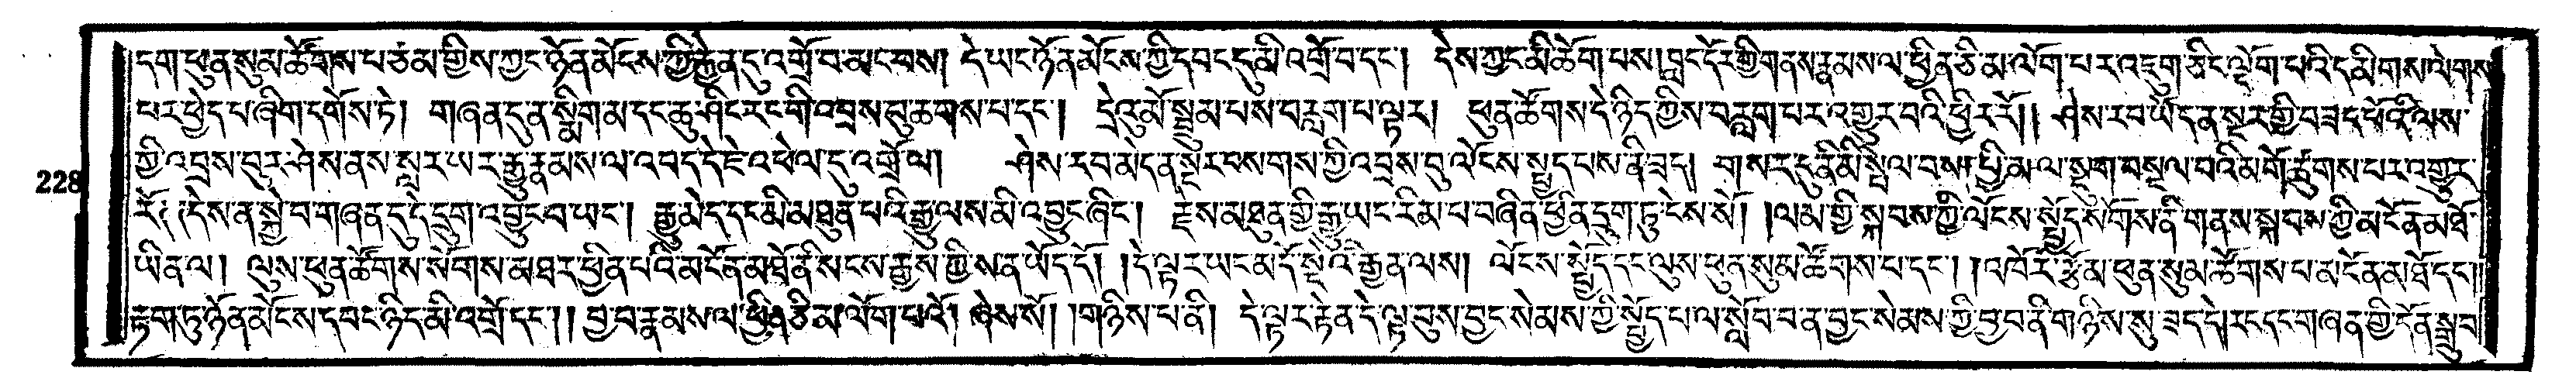དག་ཕུན་སུམ་ཚོགས་པ་ཙམ་གྱིས་ཀྱང་ཉོན་མོངས་ཀྱི་རྐྱེན་དུ་འགྲོ་བ་མང་བས། དེ་ཡང་ཉོན་མོངས་ཀྱི་དབང་དུ་མི་འགྲོ་བ་དང་། དེས་ཀྱང་མི་ཆོག་པས། བླང་དོར་གྱི་གནས་རྣམས་ལ་ཕྱིན་ཅི་མ་ལོག་པར་འཇུག་ཅིང་ལྡོག་པའི་དམིགས་ལེགས་
པར་ཕྱེད་པ་ཞིག་དགོས་ཏེ། གཞན་དུ་ན་སྨིག་མ་དང་ཆུ་ཤིང་རང་གི་འབྲས་བུ་ཆགས་པ་དང་། དྲེའུ་མོ་སྦྲུམ་པས་བརླག་པ་ལྟར། ཕུན་ཚོགས་དེ་ཉིད་ཀྱིས་བརླག་པར་འགྱུར་བའི་ཕྱིར་རོ། །ཤེས་རབ་ཡོད་ན་སྔར་གྱི་བཟང་ཕོའི་ལས་
ཀྱི་འབྲས་བུར་ཤེས་ནས་སླར་ཡང་རྒྱུ་རྣམས་ལ་འབད་དེ་ཇེ་འཕེལ་དུ་འགྲོ་ལ། ཤེས་རབ་མེད་ན་སྔར་བསགས་ཀྱི་འབྲས་བུ་ལོངས་སྤྱད་པས་ནི་ཟད། གསར་དུ་ནི་མི་སྦེལ་བས། ཕྱི་མ་ལ་སྡུག་བསྔལ་བའི་མགོ་ཚུགས་པར་འགྱུར་
རོ༑ ༑དེས་ན་སྐྱེ་བ་གཞན་དུ་དེ་དྲུག་འབྱུང་བ་ཡང་། རྒྱུ་མེད་དང་མི་མཐུན་པའི་རྒྱུ་ལས་མི་འབྱུང་ཞིང་། རྗེས་མཐུན་གྱི་རྒྱུ་ཡང་རིམ་པ་བཞིན་ཕྱིན་དྲུག་ཏུ་ངེས་སོ། །ལམ་གྱི་སྐབས་ཀྱི་ལོངས་སྤྱོད་སོགས་ནི་གནས་སྐབས་ཀྱི་མངོན་མཐོ་
ཡིན་ལ། ལུས་ཕུན་ཚོགས་སོགས་མཐར་ཕྱིན་པའི་མངོན་མཐོ་ནི་སངས་རྒྱས་ཀྱི་ས་ན་ཡོད་དོ། །དེ་ལྟར་ཡང་མདོ་སྡེའི་རྒྱན་ལས། ལོངས་སྤྱོད་དང་ལུས་ཕུན་སུམ་ཚོགས་པ་དང་། །འཁོར་རྩོམ་ཕུན་སུམ་ཚོགས་པ་མངོན་མཐོ་དང་།
རྟག་ཏུ་ཉོན་མོངས་དབང་ཉིད་མི་འགྲོ་དང་། །བྱ་བ་རྣམས་ལ་ཕྱིན་ཅི་མ་ལོག་པའོ། ཞེས་སོ། །གཉིས་པ་ནི། དེ་ལྟར་རྟེན་དེ་ལྟ་བུས་བྱང་སེམས་ཀྱི་སྤྱོད་པ་ལ་སློབ་བ་ན་བྱང་སེམས་ཀྱི་བྱ་བ་ནི་གཉིས་སུ་ཟད་དེ། རང་དང་གཞན་གྱི་དོན་སྒྲུབ་